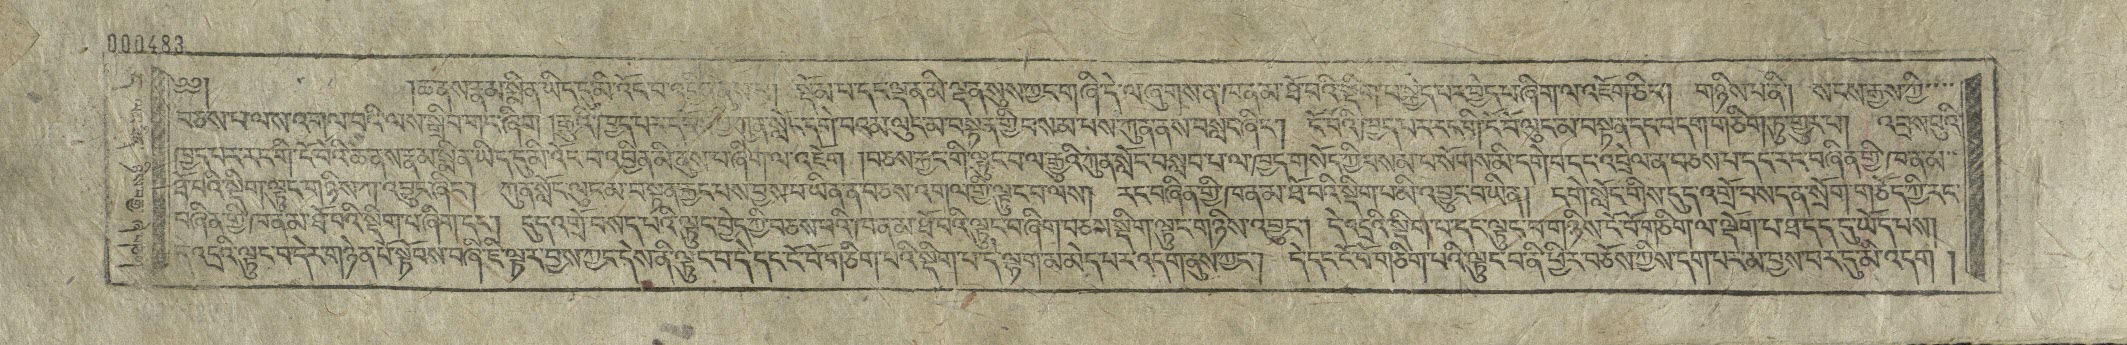༄༅། །ཆ་ནས་རྣམ་སྨིན་ཡིད་དུ་མི་འོང་བ་འབྱིན་ནུས་པ། སྡོམ་པ་དང་ལྡན་མི་ལྡན་སུས་ཀྱང་གཞི་དེ་ལ་ཞུགས་ན་ཁ་ན་མ་ཐོ་བའི་སྡིག་པ་སྐྱེད་པར་བྱེད་པ་ཞིག་ལ་འཇོག་ཅིང་། གཉིས་པ་ནི། སངས་རྒྱས་ཀྱི་
བཅས་པ་ལས་འགལ་བའི་ལས་སྒྲིབ་གང་ཞིག །རྒྱུའི་ཁྱད་པར་དངོས་ཀྱི་ཀུན་སློང་དགེ་བའམ་ལུང་མ་བསྟན་གྱི་བསམ་པས་ཀུན་ནས་བསླང་ཞིང་། ངོ་བོའི་ཁྱད་པར་རང་གི་ངོ་བོ་ལུང་མ་བསྟན་དང་བདག་གཅིག་ཏུ་གྱུར་པ། འབྲས་བུའི་
ཁྱད་པར་རང་གི་ངོ་བོའི་ཆ་ནས་རྣམ་སྨིན་ཡིད་དུ་མི་འོང་བ་འབྱིན་མི་ནུས་པ་ཞིག་ལ་འཇོག །བཅས་རྐྱང་གི་ལྟུང་བ་ལ་རྒྱུའི་ཀུན་སློང་བསླབ་པ་ལ་ཁྱད་གསོད་ཀྱི་བསམ་པ་སོགས་མི་དགེ་བ་དང་འབྲེལ་ན་བཅས་པ་དང་རང་བཞིན་གྱི་ཁ་ན་མ་
ཐོ་བའི་སྡིག་ལྟུང་གཉིས་ཀ་འབྱུང་ཞིང་། ཀུན་སློང་ལུང་མ་བསྟན་རྐྱང་པས་བྱས་པ་ཡིན་ན་བཅས་འགལ་གྱི་ལྟུང་བ་ལས། རང་བཞིན་གྱི་ཁ་ན་མ་ཐོ་བའི་སྡིག་པ་མི་འབྱུང་བ་ཡིན། དགེ་སློང་གིས་དུད་འགྲོ་བསད་ན་སྲོག་གཅོད་ཀྱི་རང་
བཞིན་གྱི་ཁ་ན་མ་ཐོ་བའི་སྡིག་པ་ཞིག་དང་། དུད་འགྲོ་བསད་པའི་ལྟུང་བྱེད་ཀྱི་བཅས་པའི་ཁ་ན་མ་ཐོ་བའི་ལྟུང་བ་ཞིག་བཅས་སྡིག་ལྟུང་གཉིས་འབྱུང་། དེ་འདྲའི་སྡིག་པ་དང་ལྟུང་བ་གཉིས་ངོ་བོ་གཅིག་ལ་ལྡོག་པ་ཐ་དད་དུ་ཡོད་པས།
དེ་འདྲའི་ལྟུང་བ་དེར་གཉེན་པོ་སྟོབས་བཞི་ཇི་ལྟར་བྱས་ཀྱང་དེས་ནི་ལྟུང་བ་དེ་དང་ངོ་བོ་གཅིག་པའི་སྡིག་པ་དེ་ལྷག་མ་མེད་པར་འདག་ནུས་ཀྱང་། དེ་དང་ངོ་བོ་གཅིག་པའི་ལྟུང་བ་ནི་ཕྱིར་བཅོས་ཀྱིས་དག་པར་མ་བྱས་བར་དུ་མི་འདག །